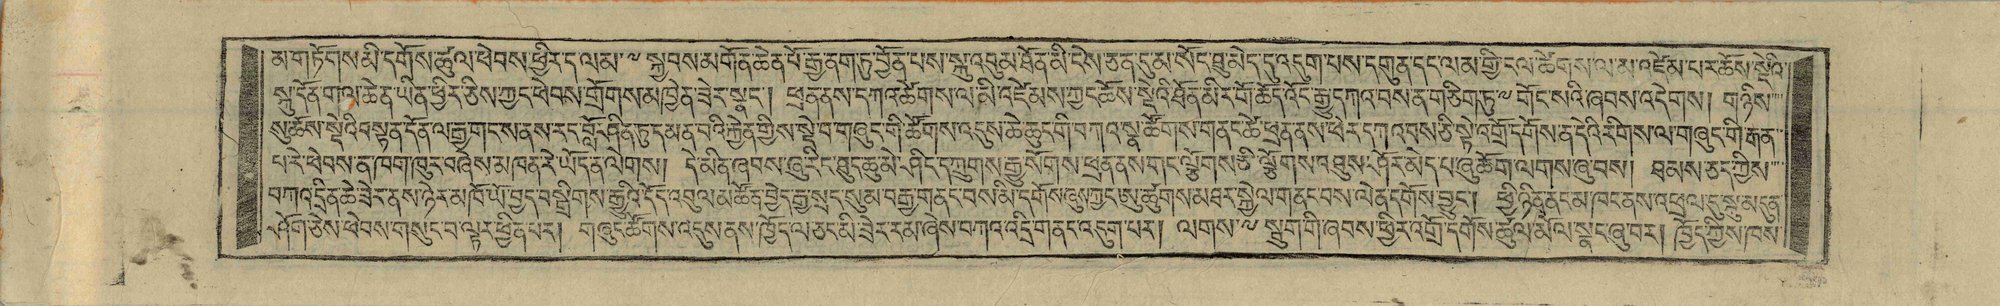མ་གཏོགས་མི་དགོས་ཚུལ་ཕེབས་ཕྱིར་ད་ལམ་༧སྐྱབས་མགོན་ཆེན་པོ་རྒྱ་ནག་ཏུ་བྱོན་པས་སྐུ་འབུམ་ཐོན་མི་ངེས་ཅན་དུ་མ་སོང་ཐུ་མེད་དུ་འདུག་པས་དགུན་དང་ལམ་གྱི་ངལ་ཚེགས་ལ་མ་འཛེམ་པར་ཆོས་སྡེའི་
སྐུ་དོན་གལ་ཆེན་ཡིན་ཕྱིར་ཅིས་ཀྱང་ཕེབས་གྲོགས་མཁྱེན་ཟེར་སྣང་། ཕྲན་ནས་དཀའ་ཚེགས་ལ་མི་འཛེམས་ཀྱང་ཆོས་སྡེའི་ཐོན་མིར་གོ་ཆོད་འོང་རྒྱུ་དཀའ་བས་ན་གཅིག་ཏུ་༧གོང་སའི་ཞབས་འདེགས། གཉིས་
སུ་ཆོས་སྡེའི་བསྟན་དོན་ལ་རྒྱ་གང་ས་ནས་རང་བློ་ཤིན་ཏུ་དམན་པའི་རྐྱེན་གྱིས་སྡེ་བ་གཞུང་གི་ཚོགས་འདུས་ཆེ་ཆུང་གི་བཀའ་སྣ་ཚོགས་གནང་ཚེ་ཕྲན་ནས་ཕེར་དཀའ་བས་ཅི་སྟེ་འགྲོ་དགོས་ན་དེའི་རིགས་ལ་གཞུང་གི་རྒན་
པ་རེ་ཕེབས་ན་ཁག་ཁུར་བཞེས་མཁན་རེ་ཡོད་ན་ལེགས། དེ་མིན་ཞབས་ཞུ་རིང་ཐུང་ཆུ་མེ་ཤིང་དཀྲུགས་རྒྱུ་སོགས་ཕྲན་ནས་གང་ལྕོགས་ཅི་ལྕོགས་འཐུས་ཤོར་མེད་པ་ཞུ་ཆོག་ལགས་ཞུ་བས། ཐམས་ཅད་ཀྱིས་
བཀའ་དྲིན་ཆེ་ཟེར་ནས་ཉེར་མཁོ་ཡོ་བྱད་བསྒྲིགས་རྒྱུའི་དོད་འབུལ་མཚོན་བྱེད་རྒྱ་སྲང་སུམ་བརྒྱ་གནང་བས་མི་དགོས་ཞུས་ཀྱང་ཨུ་ཚུགས་མཐར་སྐྱེལ་གནང་བས་ལེན་དགོས་བྱུང་། ཕྱི་ཉིན་ནང་མ་ཁང་ནས་འཕྲལ་དུ་སྐུ་མདུན་
ཤོག་ཅེས་ཕེབས་གསུང་བ་ལྟར་ཕྱིན་པར། གཞུང་ཚོགས་འདུས་ནས་ཁྱོད་ལ་ཅང་མི་ཟེར་རམ་ཞེས་བཀའ་འདྲི་གནང་འདུག་པར། ལགས་༧སྦུག་གི་ཞབས་ཕྱིར་འགྲོ་དགོས་ཚུལ་མོལ་སྣང་ཞུ་བར། ཁྱོད་ཀྱིས་ཁས་